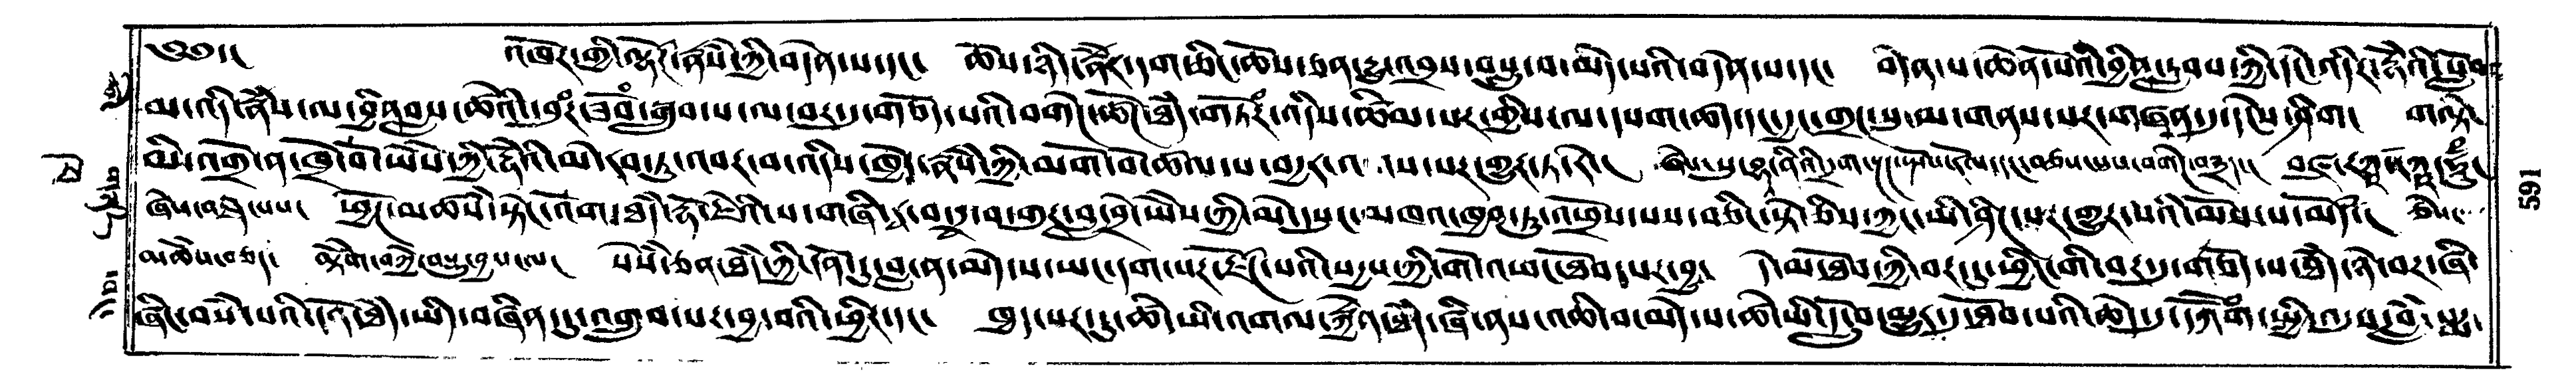འཁོར་གྱི་ལྷ་ཚོགས་རྣམས་ཀྱི་བདེན་པ་དང་། ཆོས་ཉིད་རྣམ་པར་དག་ཅིང་ཆོས་ཅན་རྒྱུ་འབྲས་བསླུ་བ་མེད་པའི་བདེན་པ་དང་། བདེན་པ་ཆེན་པོའི་བྱིན་རླབས་ཀྱི་དེང་འདིར་རྡོ་རྗེའི་སློབ་
མ་འདི་རྣམས་ལ་བྱིན་རླབས་ཚེའི་དབང་བསྐུར་ཟབ་མོ་སྒྲུབ་པ་ལ་བར་དུ་གཅོད་པའི་བགེགས་ཚོགས་ཐམས་ཅད་གཏོར་མ་འདིས་ཚིམ་པར་གྱིས་ལ་དཔག་ཚད་དང་རྒྱང་གྲགས་སུ་མ་གནས་པར་གཞན་སུ་དེངས་ཤིག གལ་ཏེ་
མི་འགྲོ་ན་ཁྲོ་བོ་ཡེ་ཤེས་ཀྱི་རྡོ་རྗེའི་མེ་རབ་ཏུ་འབར་བ་འདིས་ཁྱོད་རྣམས་ཀྱི་མགོ་བོ་ཚལ་པ་བརྒྱར་འགས་པར་འགྱུར་ཏ་རེ། ཞེས་སུམ་བྷཱ་ནི་སོགས་དྲག་སྔགས་སྤོས་རོལ་དང་བཅས་པས་བགེགས་བསྐྲད། བཛྲ་རཀྵ་རཀྵ་ཧཱུྃ། 
ཞེས་བརྗོད་པས། ཕྱོགས་མཚམས་སྟེང་འོག་ཐམས་ཅད་རྡོ་རྗེའི་ས་གཞི་རྭ་བ་དྲ་བ་གུར་བླ་བྲེ་ཡེ་ཤེས་ཀྱི་མེ་དཔུང་མཁའ་ཁྱབ་ཏུ་འཕྲོས་པས་བཅིང་སྟེ་ཅིས་ཀྱང་མི་ཤིགས་པར་གྱུར་པའི་མོས་པ་མཛོད། ཅེས་
མཚམས་བཅད། མེ་ཏོག་བཀྱེ་བསྡུ་བྱས་ལ། སེམས་ཅན་ཐམས་ཅད་ཀྱི་དོན་དུ་བླ་ན་མེད་པ་ཡང་དག་པར་རྫོགས་པའི་སངས་རྒྱས་ཀྱི་གོ་འཕང་ཐོབ་པར་བྱ། དེ་མ་ཐོབ་ཀྱི་བར་དུ་ཕྱི་ནང་གི་བར་དུ་གཅོད་པ་ཐམས་ཅད་ཉེ་བར་ཞི་
ཞིང་བསམ་པའི་དོན་ཐམས་ཅད་ཡིད་བཞིན་དུ་འགྲུབ་པར་བྱ་བའི་ཕྱིར་དང་། ཁྱད་པར་དུ་ཚེའི་འགལ་རྐྱེན་ཐམས་ཅད་ཞི་ནས་འཆི་བ་མེད་པ་ཚེའི་དངོས་གྲུབ་མྱུར་དུ་ཐོབ་པའི་ཆེད་དུ་དཀོན་མཆོག་གསུམ་སྤྱི་འདུས་བླ་མ་པདྨ་